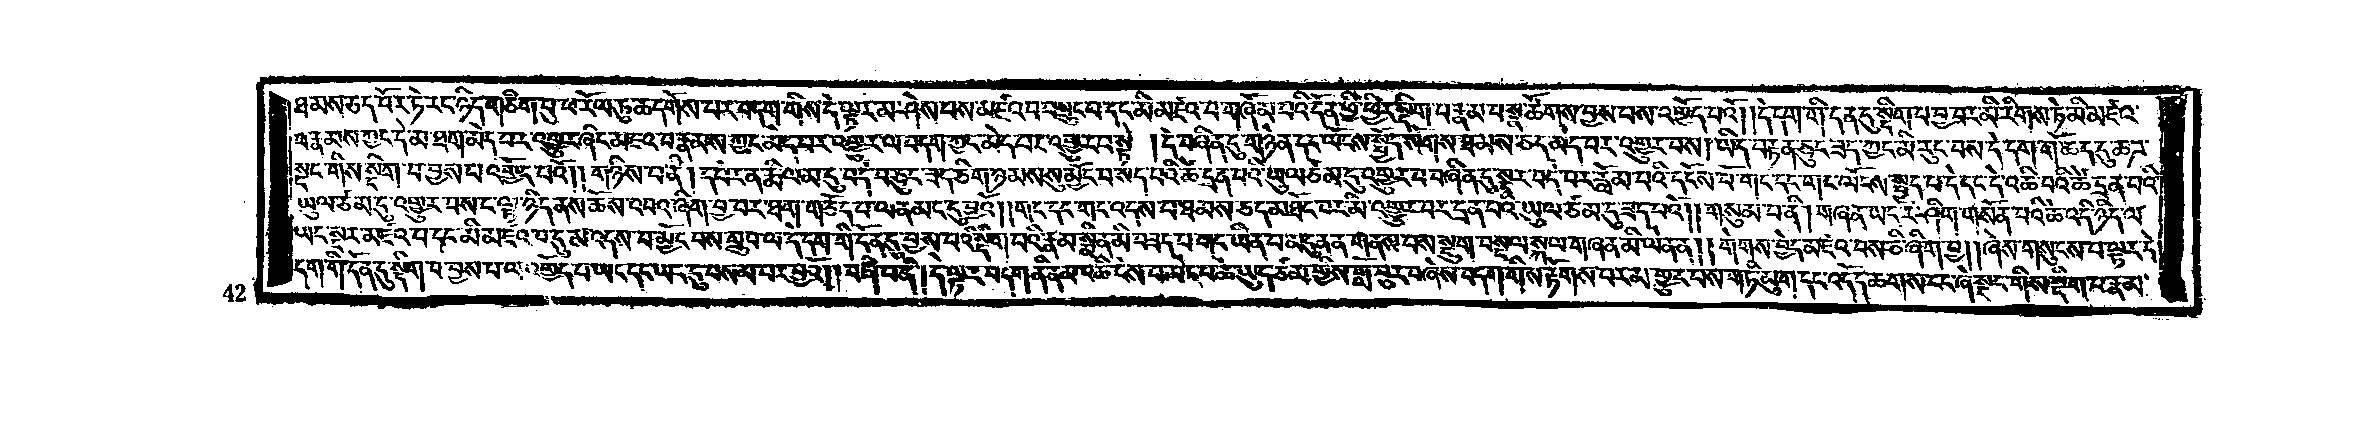ཐམས་ཅད་པོར་ཏེ་རང་ཉིད་གཅིག་པུ་ཕ་རོལ་ཏུ་ཆ་དགོས་པར་བདག་གིས་དེ་ལྟར་མ་ཤེས་པས་མཛའ་བ་བསྲུང་བ་དང་མི་མཛའ་བ་གཞོམ་པའི་དོན་ཕྱི་ཕྱིར་སྡིག་པ་རྣམ་པ་སྣ་ཚོགས་བྱས་པས་འགྱོད་པའོ། །དེ་དག་གི་དན་དུ་སྡིག་པ་བྱ་བར་མི་རིགས་ཏེ་མི་མཛའ་
བ་རྣམས་ཀྱང་དེ་མ་ཐག་མེད་པར་འགྱུར་ཞིང་མཛའ་བ་རྣམས་ཀྱང་མེད་པར་འགྱུར་ལ་བདག་ཀྱང་མེད་པར་འགྱུར་བ་སྟེ། དེ་བཞིན་དུ་གཉེན་དང་ལོངས་སྤྱོད་སོགས་ཐམས་ཅད་མེད་པར་འགྱུར་བས། ཡིད་བརྟན་ཅུང་ཟད་ཀྱང་མི་རུང་བས་དེ་དག་གོ་ཆད་ཆགས་
སྡང་གིས་སྡིག་པ་བྱས་པ་འགྱོད་པའོ། །གཉིས་པ་ནི། དཔེར་ན་རྨི་ལམ་དུ་བདེ་བ་ཅུང་ཟད་ཅིག་ཉམས་སུ་མྱོང་བ་སད་པའི་ཚེ་དྲན་པའི་ཡུལ་ཙམ་དུ་འགྱུར་པ་བཞིན་དུ་སྡར་བདེ་བར་རློམ་པའི་དངོས་པོ་གང་དང་གང་ལོངས་སྤྱད་པ་དེ་དང་དེ་འཆི་བའི་ཚེ་དྲན་པའི་
ཡུལ་ཙམ་དུ་འགྱུར་བས་ང་ལྟ་ཉིད་ནས་ཆོས་འབའ་ཞིག་བྱ་བར་ཐག་གཅོད་པ་ལན་མང་དུ་བྱའོ། །གང་དང་གང་འདས་པ་ཐམས་ཅད་མཐོང་བར་མི་འགྱུར་བར་དྲན་པའི་ཡུལ་ཙམ་དུ་ཟད་པའོ། །གསུམ་པ་ནི། གཞན་ཡང་རི་ཤིག་གསོན་པའི་ཚེ་འདི་ཉིད་ལ་
ཡང་སྔར་མཛའ་བ་དང་མི་མཛའ་བ་དུ་མ་འདས་པ་མྱོང་བས་གྲུབ་ལ་དེ་དག་གི་དོན་དུ་བྱས་པའི་སྡིག་པའི་རྣམ་སྨིན་བཟད་པ་གང་ཡིན་པ་མདུན་ན་གནས་པས་སྡུག་བསྔལ་སྐལ་གཞན་མི་ལེན་ན། །གེགས་བྱེད་མཛའ་བས་ཅི་ཞིག་བྱ། །ཞེས་གསུངས་པ་ལྟར་དེ་
དག་གི་དོན་དུ་སྡིག་པ་བྱས་པ་ལ་འགྱོད་པ་ཡང་དང་ཡང་དུ་བསམ་པར་བྱའོ། །བཞི་པ་ནི། དེ་ལྟར་བདག་ནི་ནམ་འཆི་ངེས་པ་མེད་པ་ཆེ་ཡུད་ཙམ་གྱིས་གློ་བུར་བཞེས་བདག་གིས་རྟོགས་པར་མ་གྱུར་པས་གཏི་མུག་དང་འདོད་ཆགས་དང་ཞེ་སྡང་གིས་སྡིག་པ་རྣམ་